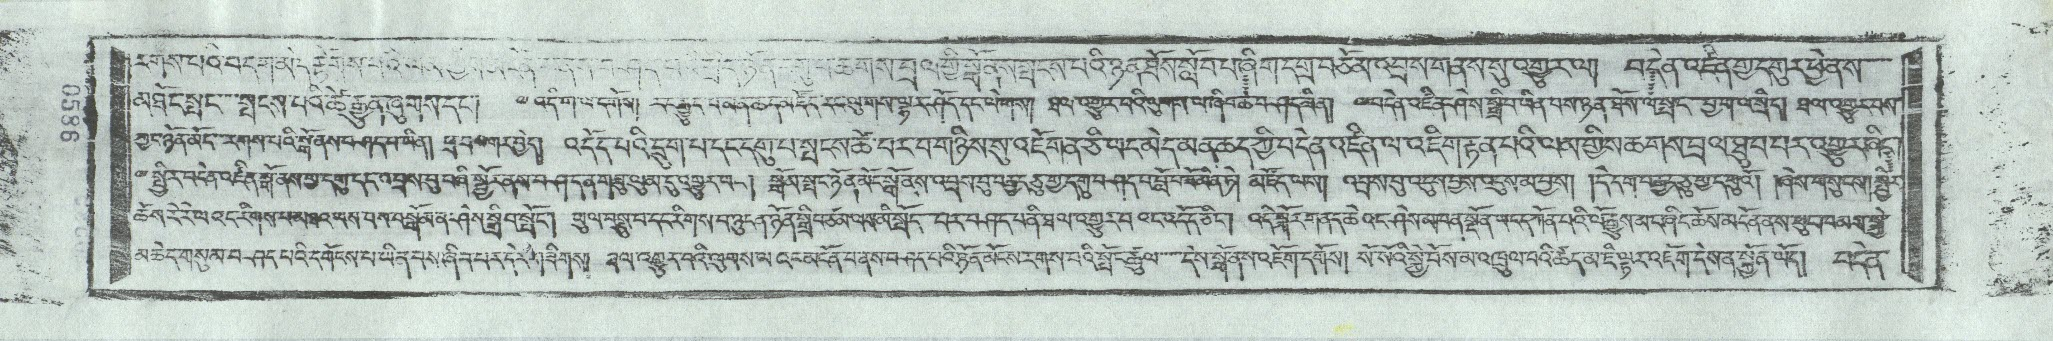རགས་པའི་བདག་མེད་རྟོགས་པའི་ལམ་གྱིས་མངོན་པ་ནས་བཤད་བའི་སྲིད་ཉོན་དགུ་པ་ཆགས་བྲལ་གྱི་སྒོ་ནས་སྤངས་པའི་ཉན་ཐོས་སློབ་པ་ཞིག་དགྲ་བཅོམ་འབྲས་གནས་སུ་འགྱུར་ལ། བདེན་འཛིན་གྱ་དགུར་ཕྱེ་ནས་
མཐོང་སྤང་སྤངས་པའི་ཚེ་རྒྱུན་ཞུགས་དང་། ༧འདི་ག་ལ་དགོས། རང་རྒྱུད་བ་མན་ཆད་མཛོད་རང་ལུགས་ལྟར་ཤོད་དང་ལེགས། ཐལ་འགྱུར་བའི་ལུགས་ལ་ཞིབ་ཚ་བཤད་ཟིན། ༧བདེན་འཛིན་ཤེས་སྒྲིབ་ཡིན་པས་ཉན་ཐོས་ལ་སྤང་བྱ་ག་ལ་སྲིད། ཐལ་འགྱུར་བས་
ཀྱང་ཉོན་མོང་རགས་པའི་སྒོ་ནས་བཤད་པ་ཡིན། ཕྲ་བས་གར་བྱེད། འདོད་པའི་དྲུག་པ་དང་དགུ་པ་སྤངས་ཚེ་བར་བ་གཉིས་སུ་འཇོག་ན་ཅི་ཡང་མེད་མན་ཆད་ཀྱི་བདེན་འཛིན་ལ་འཇིག་རྟེན་པའི་ལམ་གྱིས་ཆགས་བྲལ་ཐུབ་པར་འགྱུར་ཞིང་
༧སྤྱིར་བདེན་འཛིན་སྒོ་ནས་གྱ་དགུ་དང་འབྲས་བུ་བཞི་སྦྱོར་ནས་བཤད་ན་གཟུ་ལུམ་དུ་འགྱུར་ཡང་། སྒོམ་སྤང་ཉོན་མོང་སྒོ་ནས་འབྲས་བུ་བརྒྱད་ཅུ་གྱ་དགུ་བཤད་པ་བློ་བཟོ་མིན་ཏེ། མཛོད་ལས། འབྲས་བུ་འདུས་བྱས་འདུས་མ་བྱས། །དེ་དག་བརྒྱད་ཅུ་གྱ་དགུའོ། །ཞེས་གསུངས། སྤྱིར་
ཆོས་རེ་རེ་ལའང་རིགས་པ་མཐའ་ཡས་པས་བསྒོམ་ན་ཤེས་སྒྲིབ་སྤོང་། ཡུལ་བསྡུ་བ་དང་རིགས་པ་ཉུང་ན་ཉོན་སྒྲིབ་ཙམ་ལས་མི་སྤོང་བར་བཤད་པ་ནི་ཐལ་འགྱུར་བའང་འདོད་ཅིང་། འདི་སྐོར་གནད་ཆེའང་ཤེས་མཁན་སྔོན་ཡང་དཀོན་པའི་ལོ་རྒྱུས་མང་ཞིང་ཆོས་མངོན་ནས་ཕུང་ཁམས་སྐྱེ་
མཆེད་གསུམ་བཤད་པའི་དགོངས་པ་ཡིན་པས་ཞིབ་པར་དེར་གཟིགས། ཐལ་འགྱུར་བའི་ལུགས་ལའང་མངོན་པ་ནས་བཤད་པའི་ཉོན་མོངས་རགས་པའི་སྤོང་ཚུལ་དེས་སྒོ་ནས་འཇོག་དགོས། སོ་སོའི་སྐྱེ་བོས་མ་འཁྲུལ་བའི་ཚད་མ་ཇི་ལྟར་འཇོག་དེས་ན་སྐྱོན་ཡོད། བདེན་